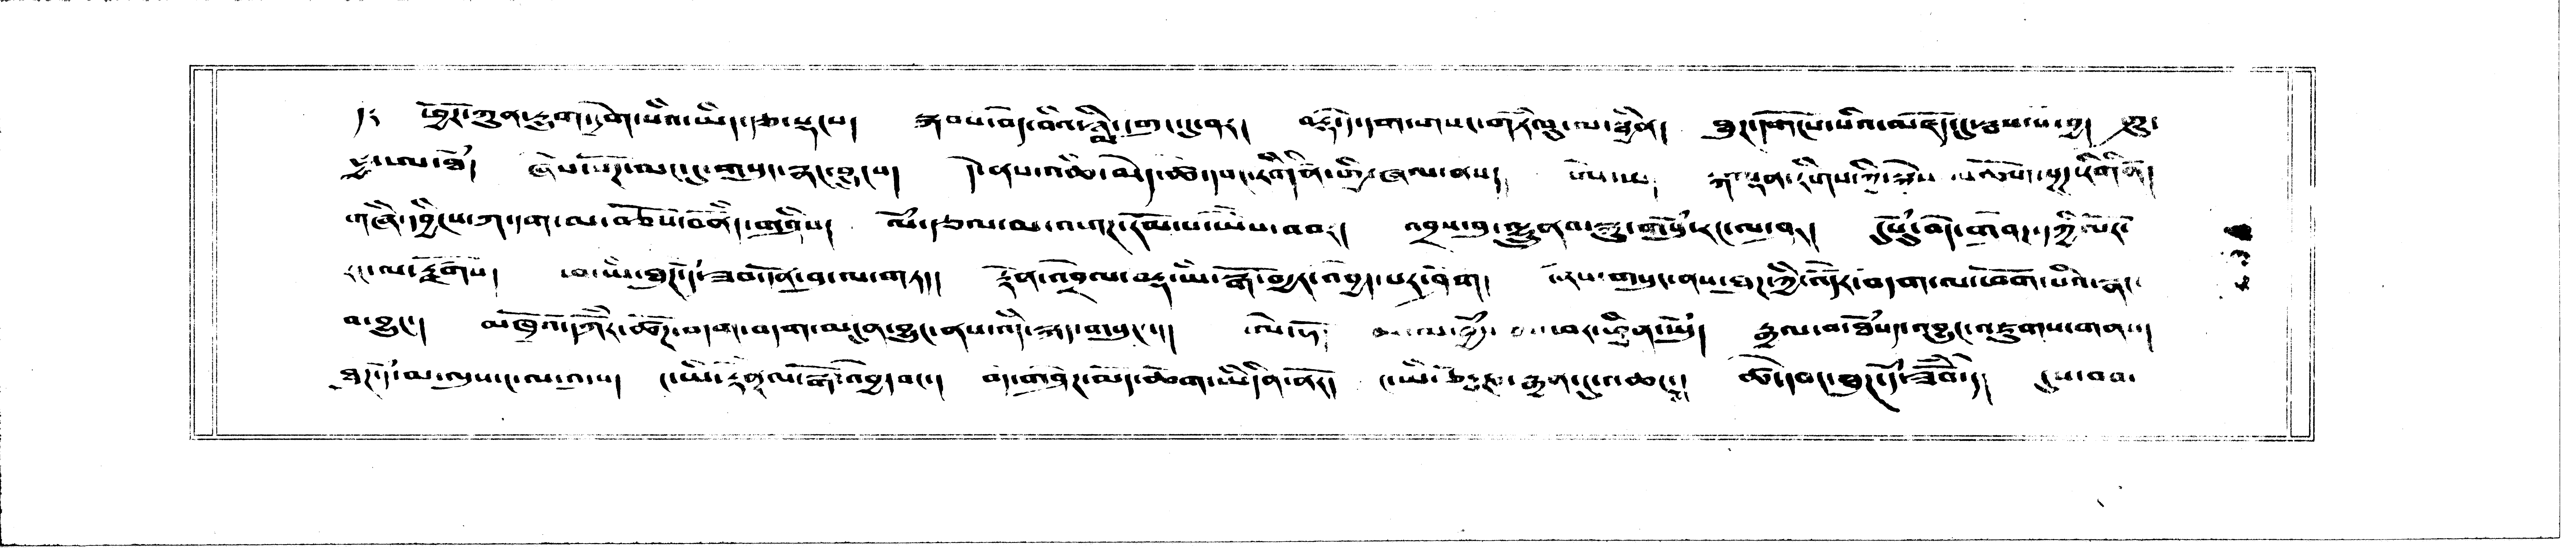དཿ ཕྱོགས་ཀུན་རྒྱུག་དྲེགས་པའི་ཡིད་རྩ་སྡངཿ སྐབས་བདེ་བའི་ཉི་མ་དགུང་དུ་ཤརཿ བརྡ་དེ་དག་གསང་གཏམ་བུ་ལ་བྱིནཿ ཐུགས་དགོངས་པའི་མཛོད་དུ་སྦས་པར་བྱཿ གུ་ཧྱཿ
 ཨ་ཐཾཿ ཞེས་སོགས་མང་དུ་གསུངས་སྣང་བྱུངཿ དེ་ནས་འཆི་མེད་ཚེ་དབང་རིག་འཛིན་གྱི་ཞལ་ནསཿ ཨེ་མ་ཧོཿ སྐལ་ལྡན་རིགས་ཀྱི་སྐྱེས་མཆོག་སྔགས་རིག་འཛིནཿ 
གཞི་དབྱིངས་ཀ་དག་མ་བཅོས་བོན་ཉིད་གཤིསཿ ལམ་རྩལ་མ་འགག་རོལ་པ་ཡེ་ཤེས་འབརཿ འབྲས་བུ་ལྷུན་གྲུབ་སྐུ་གསུམ་རང་ལ་ཤརཿ དུས་གསུམ་བདེར་གཤེགས་དཀྱིལ་འཁོར་
རང་ལ་རྫོགསཿ ཕ་ཡི་ཐུགས་དམ་ཟབ་དོན་བུ་ལ་གཏདཿ རྟེན་འབྲེལ་བརྡ་ཡི་སྒོ་བརྒྱ་འབྱེད་པར་ཤོགཿ ཞེས་གསུངས་ནས་ཐུགས་ཀྱི་འོད་ཟེར་བདག་ལ་ཕོག་པའི་སྣང་
བ་བྱུངཿ མཁའ་འགྲོ་དཀར་མོ་ཚོགས་བདག་བདག་མདུན་བྱུང་ནས་འདི་སྐད་གསུངསཿ ཨེ་ཧོཿ མ་མ་བྱམས་པ་ཕར་ཕྱིན་ཡུམཿ རྒྱལ་བ་ཐམས་ཅད་འབྱུང་འཇུག་གནསཿ
 ཐུགས་དམ་མ་ལུས་ང་ལ་འདུསཿ ང་ཡི་རྟེན་འབྲེལ་སྒོ་འབྱེད་དབངཿ བདེར་གཤེགས་མདོ་ཆོག་ཡིད་བཞིན་ནོརཿ ང་ཡི་ཅོད་པཎ་རྒྱན་དུ་འཆངཿ ཚེ་དབང་ཐུགས་དམ་ཟབ་མོ་དེཿ དུས་བབ་